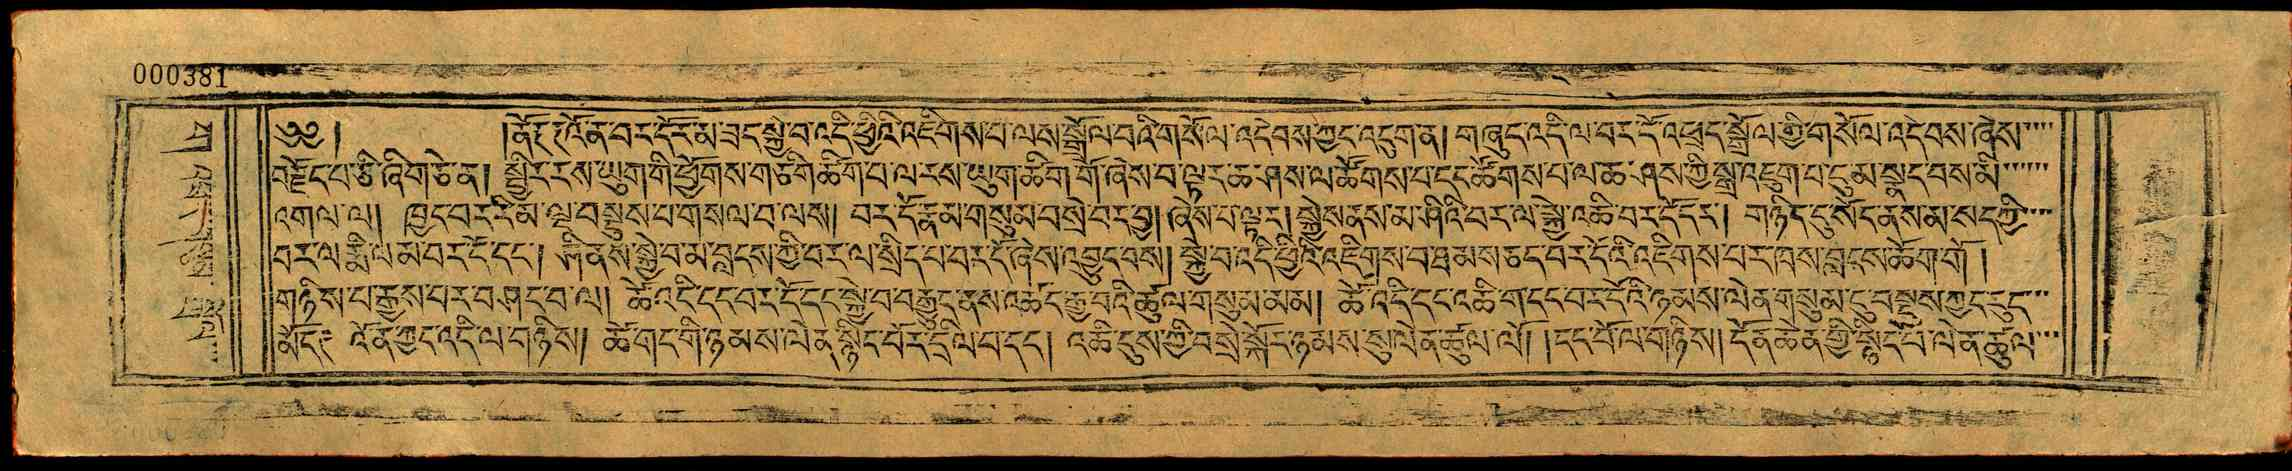༄༅། །ནོ། །འོ་ན་བར་དོར་མ་ཟད་སྐྱེ་བ་འདི་ཕྱིའི་འཇིགས་པ་ལས་སྒྲོལ་བའི་གསོལ་འདེབས་ཀྱང་འདུག་ན། གཞུང་འདི་ལ་བར་དོ་འཕྲད་སྒྲོལ་གྱི་གསོལ་འདེབས་ཞེས་
བརྗོད་པ་ཅི་ཞིག་ཅེ་ན། སྤྱིར་རས་ཡུག་གི་ཕྱོགས་གཅིག་ཚིག་པ་ལ་རས་ཡུག་ཚིག་གི་ཞེས་པ་ལྟར་ཆ་ཤས་ལ་ཚོགས་པ་དང་ཚོགས་པ་ལ་ཆ་ཤས་ཀྱི་སྒྲ་འཇུག་པ་དུ་མ་སྣང་བས་མི་
འགལ་ལ། ཁྱད་པར་རིམ་ལྔ་བསྡུས་པ་གསལ་བ་ལས། བར་དོ་རྣམ་གསུམ་བསྲེ་བར་བྱ། ཞེས་པ་ལྟར། སྐྱེས་ནས་མ་ཤིའི་བར་ལ་སྐྱེ་འཆི་བར་དོ་དང་། གཉིད་དུ་སོང་ནས་མ་སང་ཀྱི་
བར་ལ་རྨི་ལམ་བར་དོ་དང་། ཤི་ནས་སྐྱེ་བ་མ་བླངས་ཀྱི་བར་ལ་སྲིད་པ་བར་དོ་ཞེས་འབྱུང་བས། སྐྱེ་བ་འདི་ཕྱིར་འཇིགས་པ་ཐམས་ཅད་བར་དོའི་འཇིགས་པར་ཁས་བླངས་ཆོག་གོ །
གཉིས་པ་རྒྱས་པར་བཤད་པ་ལ། ཚེ་འདི་དང་བར་དོ་དང་སྐྱེ་བ་བརྒྱུད་ནས་འཚང་རྒྱ་བའི་ཚུལ་གསུམ་མམ། ཚེ་འདི་དང་འཆི་ག་དང་བར་དོའི་ཉམས་ལེན་གསུམ་དུ་བསྡུས་ཀྱང་རུང་
མོད། འོན་ཀྱང་འདི་ལ་གཉིས། ཚེ་གང་གི་ཉམས་ལེན་རྙིང་པོར་དྲིལ་བ་དང་། འཆི་དུས་ཀྱི་བསྲེ་སྐོར་ཉམས་སུ་ལེན་ཚུལ་ལོ། །དང་པོ་ལ་གཉིས། དོན་ཆེན་གྱི་སྙིང་པོ་ལན་ཚུལ་